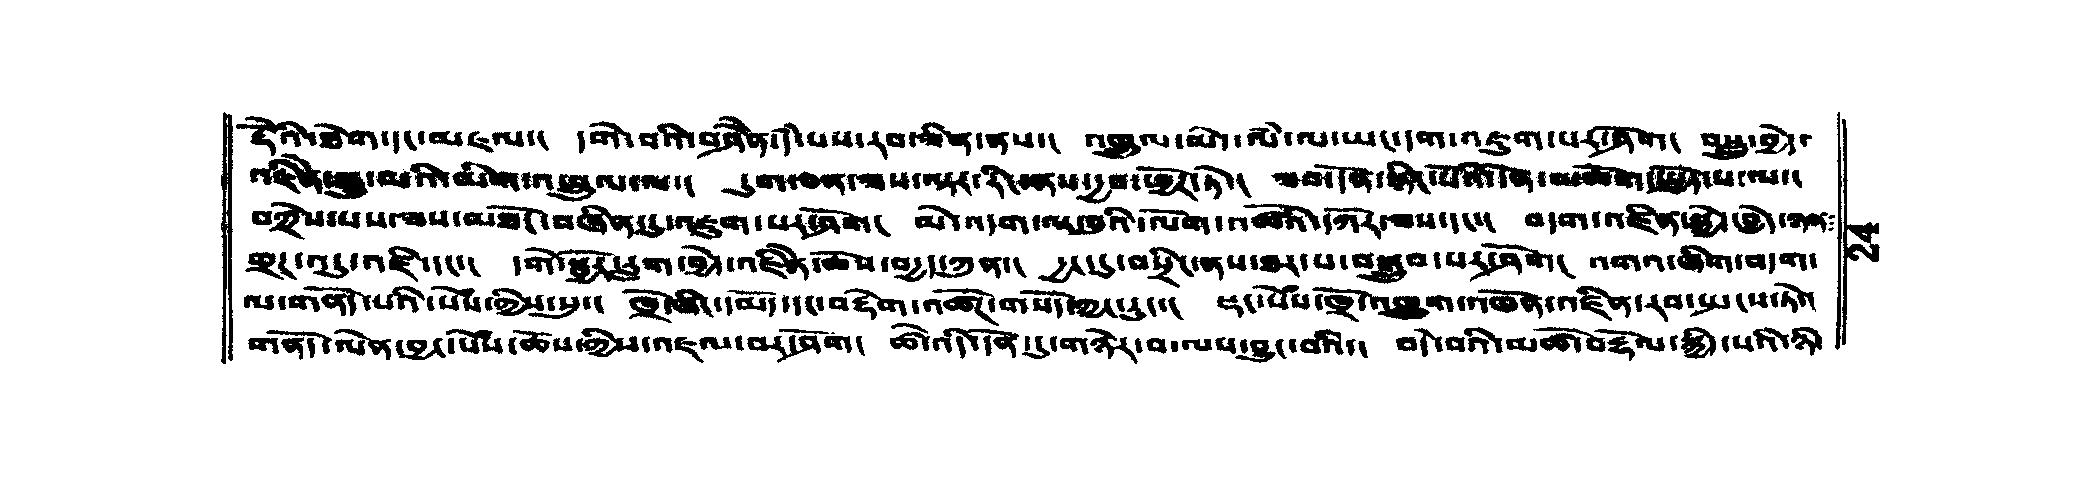རྡོ་རྗེའི་ཐེག་དང་མཇལ། །དགེ་བའི་བཤེས་གཉེན་དམ་པས་རབ་ཟིན་ནས། །འཁྲུལ་མེད་ལམ་ལ་ཡང་དག་འཇུག་པར་ཤོག །བསླུ་བྱེད་
འཇིག་རྟེན་སྒྱུ་མའི་མིག་འཕྲུལ་ལ། །དུག་ཅན་ཟས་ལྟར་རིང་ནས་རྒྱབ་ཕྱོགས་ཏེ། །ཟབ་དོན་སྙིང་པོའི་དོན་མཆོག་སྤྱོད་པ་ལ། །
བཀྲེས་པས་ཟས་མཐོང་བཞིན་དུ་འཇུག་པར་ཤོག །མེ་འདག་ལྟ་བུའི་ལོག་འཚོའི་དཀོར་ཟས་དང་། །བདག་འཛིན་སྐྱེད་བྱེད་སྙན་
གྲགས་འདུ་འཛི་དང་། །དགེ་སྦྱོར་རླག་བྱེད་འཇིག་རྟེན་ཆོས་བརྒྱད་ཀུན། །རྒྱང་དུ་བསྲིངས་ནས་ཐར་པ་བསྒྲུབ་པར་ཤོག །འགའ་ཞིག་བདག་
ལ་གནོད་པའི་སེམས་ཀྱིས་སུ། །ཁྲོ་ཞིང་དམོད་དང་བརྡེག་འཚོག་གསོད་ཀྱང་རུང་། །སྡང་སེམས་ཁྲོ་འཁྲུག་འཁོན་འཛིན་རབ་སྤངས་ཏེ། །
གནོད་ལན་བྱང་སེམས་ཆོས་ཀྱི་འཇལ་བར་ཤོག །ཚེ་འདི་དོན་དུ་གཉེར་བ་ལས་བྱུང་བའི། །བདེ་བའི་མཚོ་བརྡོལ་སྐྱིད་པའི་ཉི་